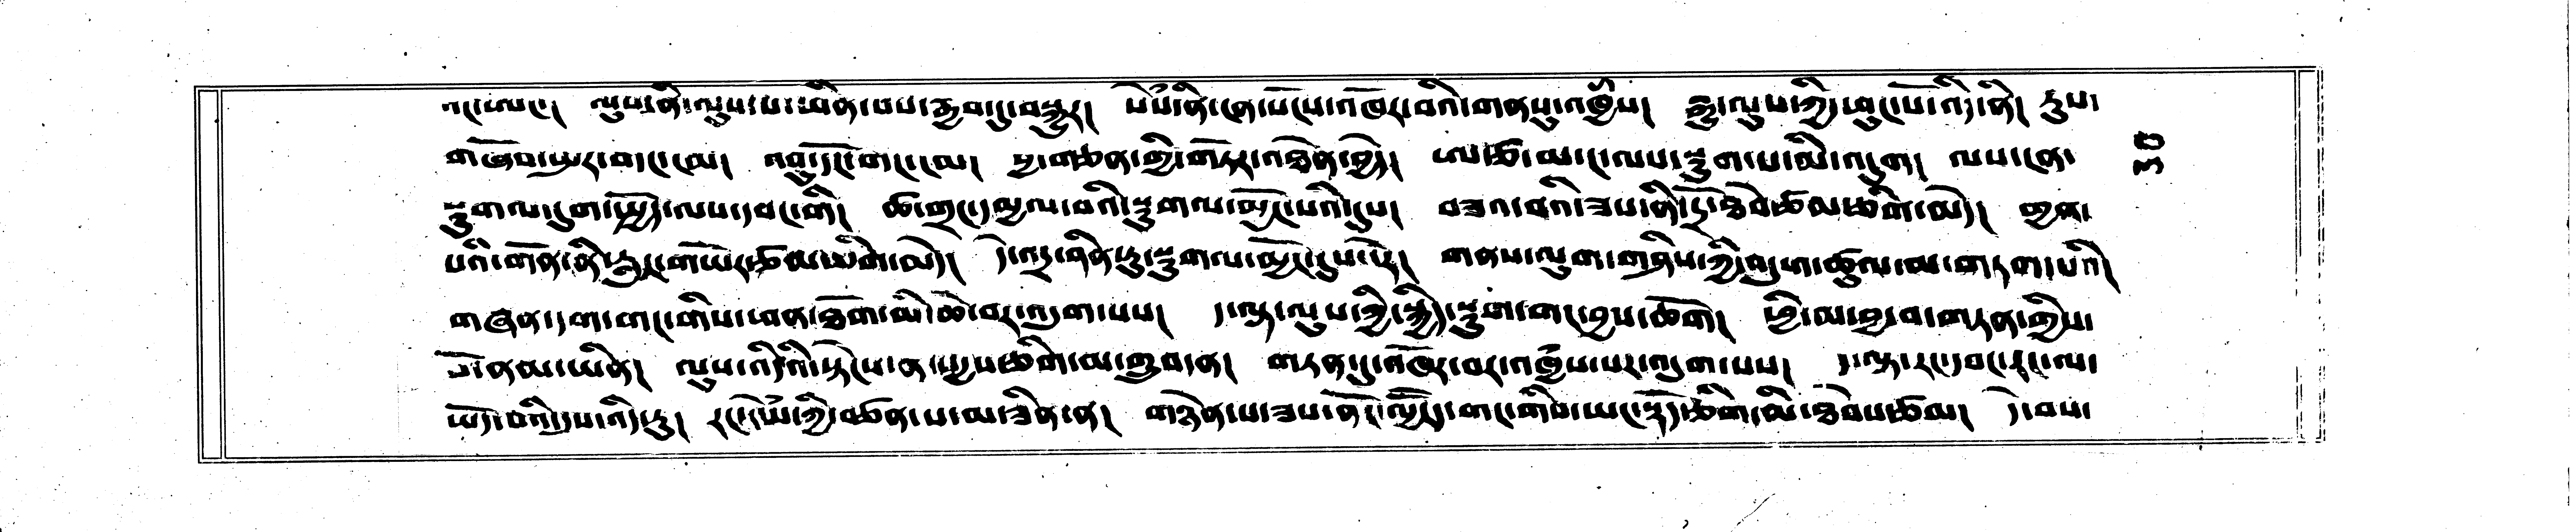འོང་ཨང་། ལུས་ནི་ལུས་པ་ཡིན་པས་རྒྱབ་ཏུ་བསྐྱུར། སེམས་ནི་ངན་སོང་འཁོར་བའི་གནས་སུ་འཁྱམས། སྒྱུ་ལུས་ཀྱི་ཕུང་པོ་འདི་ནི། རུས་
གཞོབ་སྤར་གང་ངམ། འབུ་དོང་གང་ངམ། བྱ་གཅན་གྱི་གཏོར་འཐེན་བྱེད། ཨ་ཙ་མ་ང་ལས་སྡུག་པ་མི་འདུག ལས་ངན་
སྡུག་བསྔལ་དུག་སྤྱོད་ལས་དབང་གི ཚ་གྲང་དམྱལ་བའི་སྡུག་བསྔལ་མྱོང་བའི་དུས། བཟའ་བའི་ཟས་ནི་དྲོད་ཐེབ་ཙམ་ཅིག་མེད། འཁྱག་
པའི་གོས་ནི་རླུང་གཡོར་ཙམ་ཅིག་མེད། དེ་འདྲ་གང་གིས་སྡུག་བསྔལ་མྱོང་དུས་དེར། གནས་ལུགས་གཤིས་ཀྱི་འདུག་ཚུལ་མ་བརྟག་པའི། 
གཞན་དག་གང་གིས་ཕན་ཐོགས་མི་ཆེ་བར་འདུག་པས། ད་ལྟ་ལུས་ཀྱི་སྐྱིད་སྡུག་གང་བྱས་ཀྱང་ཆོག ཕྱི་མ་བྱ་བ་གཏན་གྱི་
སོ་ནམ་ཡིན། ལུས་འདིའི་སྟེང་ན་སངས་རྒྱས་ཤིག་མ་གྲུབ་ན། གཏན་དུ་འཁོར་བར་འཁྱམས་པར་འདུག་པས། ད་ལྟ་རང་དབང་རང་ལ་
ཡོད་པའི་དུས་འདི་རུ། རང་སེམས་ཀྱི་བཙན་ས་མ་ཟིན་ན། གཉེན་པ་ཟས་ནོར་ལོངས་སྤྱོད་གང་གིས་ཡང་སྡོད་ཅིག་མི་ཐེབས་ཙམ། དེ་བས་